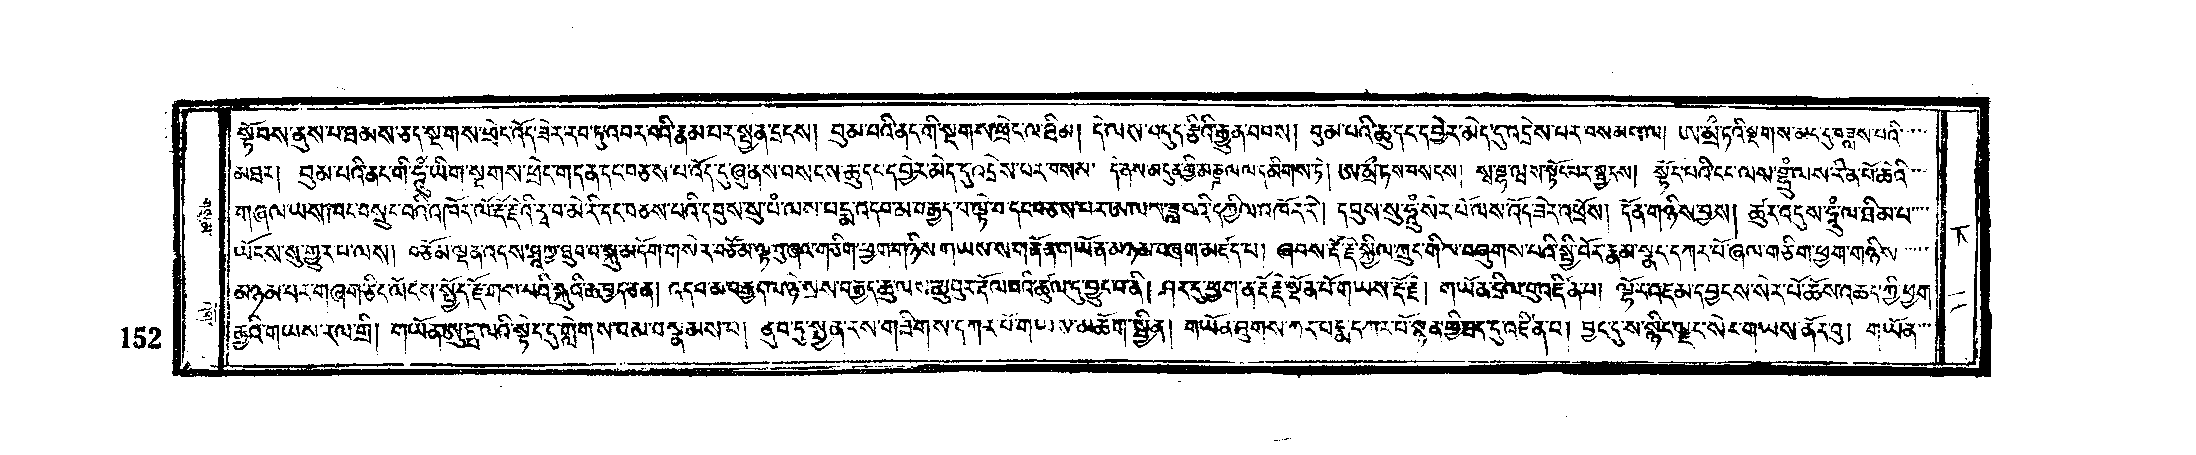སྟོབས་ནུས་པ་ཐམས་ཅད་སྔགས་ཕྲེང་འོད་ཟེར་རབ་ཏུ་འབར་བའི་རྣམ་པར་སྤྱན་དྲངས། བུམ་པའི་ནང་གི་སྔགས་ཕྲེང་ལ་ཐིམ། དེ་ལས་བདུད་རྩིའི་རྒྱུན་བབས། བུམ་པའི་ཆུ་དང་དབྱེར་མེད་དུ་འདྲེས་པར་བསམས་ལ། ཨ་མྲྀ་ཏའི་སྔགས་མང་དུ་བཟླས་པའི་
མཐར། བུམ་པའི་ནང་གི་ཧཱུཾ་ཡིག་སྔགས་ཕྲེང་གདན་དང་བཅས་པ་འོད་དུ་ཞུ་ནས་བསངས་ཆུ་དང་དབྱེར་མེད་དུ་འདྲེས་པར་བསམ་དེ་ནས་མདུན་གྱི་མཎྜལ་ལ་དམིགས་ཏེ། ཨ་མྲྀ་ཏས་བསངས། སྭ་བྷ་ཝས་སྟོང་པར་སྦྱངས། སྟོང་པའི་ངང་ལས་བྷྲུཾ་ལས་རིན་པོ་ཆེའི་
གཞལ་ཡས་ཁང་བསྲུང་བའི་འཁོར་ལོ་རྡོ་རྗེའི་རྭ་བ་མེ་རི་དང་བཅས་པའི་དབུས་སུ་པཾ་ལས་པདམ་འདབ་མ་བརྒྱད་པ་ལྟེ་བ་དང་བཅས་པར་ཨ་ལས་ཟླ་བའི་དཀྱིལ་འཁོར་རེ། དབུས་སུ་ཧཱུཾ་སེར་པོ་ལས་འོད་ཟེར་འཕྲོས། དོན་གཉིས་བྱས། ཚུར་འདུས་ཧཱུཾ་ལ་ཐིམ་པ་
ཡོངས་སུ་གྱུར་པ་ལས། བཅོམ་ལྡན་འདས་ཤཱཀྱ་ཐུབ་པ་སྐུ་མདོག་གསེར་བཙོ་མ་ལྟ་བུ་ཞལ་གཅིག་ཕྱག་གཉིས་གཡས་ས་གནོན་གཡོན་མཉམ་བཞག་མཛད་པ། ཞབས་རྡོ་རྗེ་སྐྱིལ་ཀྲུང་གིས་བཞུགས་པའི་སྤྱི་བོར་རྣམ་སྣང་དཀར་པོ་ཞལ་གཅིག་ཕྱག་གཉིས་
མཉམ་པར་གཞག་ཅིང་ལོངས་སྤྱོད་རྫོགས་པའི་སྐུའི་ཆ་བྱད་ཅན། འདབ་མ་བརྒྱད་ལ་ཉེ་སྲས་བརྒྱད་ཆུ་ལས་ཆུ་བུར་རྡོལ་བའི་ཚུལ་དུ་བྱུང་བ་ནི། ཤར་དུ་ཕྱག་ན་རྡོ་རྗེ་སྔོན་པོ་གཡས་རྡོ་རྗེ། གཡོན་དྲིལ་བུ་འཛིན་པ། ལྷོར་འཇམ་དབྱངས་སེར་པོ་ཆོས་འཆད་ཀྱི་ཕྱག་
རྒྱའི་གཡས་རལ་གྲི། གཡོན་ཨུཏྤ་ལའི་སྟེང་དུ་གླེགས་བམ་བསྣམས་པ། ནུབ་ཏུ་སྤྱན་རས་གཟིགས་དཀར་པོ་གཡས་མཆོག་སྦྱིན། གཡོན་ཐུགས་ཀར་པདམ་དཀར་པོ་སྙན་གྱི་ཐད་དུ་འཛིན་པ། བྱང་དུ་ས་སྙིང་ལྗང་སེང་གཡས་ནོར་བུ། གཡོན་